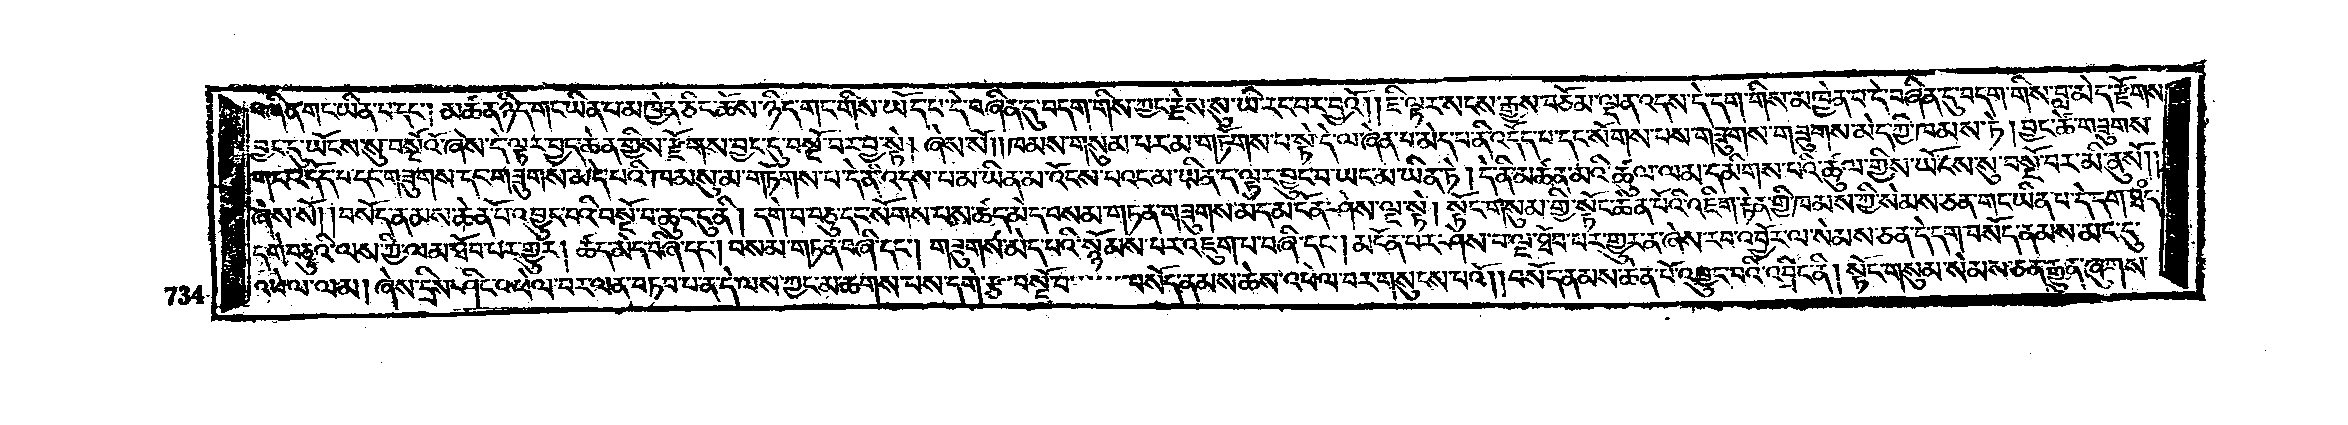བཞིན་གང་ཡིན་པ་དང་། མཚན་ཉིད་གང་ཡིན་པ་མཁྱེན་ཅིང་ཆོས་ཉིད་གང་གིས་ཡོད་པ་དེ་བཞིན་དུ་བདག་གིས་ཀྱང་རྗེས་སུ་ཡི་རང་པར་བྱའོ། །ཇི་ལྟར་སངས་རྒྱས་བཅོམ་ལྡན་འདས་དེ་དག་གིས་མཁྱེན་པ་དེ་བཞིན་དུ་བདག་གིས་བླ་མེད་རྫོགས་
བྱང་དུ་ཡོངས་སུ་བསྔོའོ་ཞེས་དེ་ལྟར་བྱང་ཆེན་གྱིས་རྫོགས་བྱང་དུ་བསྔོ་བར་བྱ་སྟེ། ཞེས་སོ། །ཁམས་གསུམ་པར་མ་གཏོགས་པ་སྟེ་དེ་ལ་ཞེན་པ་མེད་པ་ནི་འདོད་པ་དང་སོགས་པས་གཟུགས་གཟུགས་མེད་ཀྱི་ཁམས་ཏེ། བྱང་ཚེ་གཟུགས་
གང་འདོད་པ་དང་གཟུགས་དང་གཟུགས་མེད་པའི་ཁམས་སུ་མ་གཏོགས་པ་དེ་ནི་འདས་པ་མ་ཡིན་མ་འོངས་པའང་མ་ཡིན་ད་ལྟར་བྱུང་བ་ཡང་མ་ཡིན་ཏེ། དེ་ནི་མཚན་མའི་ཚུལ་ལམ་དམིགས་པའི་ཚུལ་གྱིས་ཡོངས་སུ་བསྔོ་བར་མི་ནུས་སོ། །
ཞེས་སོ། །བསོད་ནམས་ཆེན་པོ་འབྱུང་བའི་བསྔོ་བ་ཆུང་ངུ་ནི། དགེ་བ་བཅུ་དང་སོགས་པས་ཚད་མེད་བསམ་གཏན་གཟུགས་མེད་མངོན་ཤེས་ལྔ་སྟེ། སྟོང་གསུམ་གྱི་སྟོང་ཆེན་པོའི་འཇིག་རྟེན་གྱི་ཁམས་ཀྱི་སེམས་ཅན་གང་ཡིན་པ་དེ་དག་ཐམས་ཅད་
དགེ་བཅུའི་ལས་ཀྱི་ལམ་ཐོབ་པར་གྱུར། ཚད་མེད་བཞི་དང་། བསམ་གཏན་བཞི་དང་། གཟུགས་མེད་པའི་སྙོམས་པར་འཇུག་པ་བཞི་དང་། མངོན་པར་ཤེས་པ་ལྔ་ཐོབ་པར་གྱུར་ན་ཞེས་རབ་འབྱོར་ལ་སེམས་ཅན་དེ་དག་བསོད་ནམས་མང་དུ་
འཕེལ་ལམ། ཞེས་དྲིས་ཤིང་འཕེལ་བར་ལན་བཏབ་པ་ན་དེ་ལས་ཀྱང་མ་ཆགས་པས་དགེ་རྩ་བསྔོ་བ་བསོད་ནམས་ཆེས་འཕེལ་བར་གསུངས་པའོ། །བསོད་ནམས་ཆེན་པོ་འབྱུང་བའི་འབྲིང་ནི། སྟོང་གསུམ་སེམས་ཅན་རྒྱུན་ཞུགས་